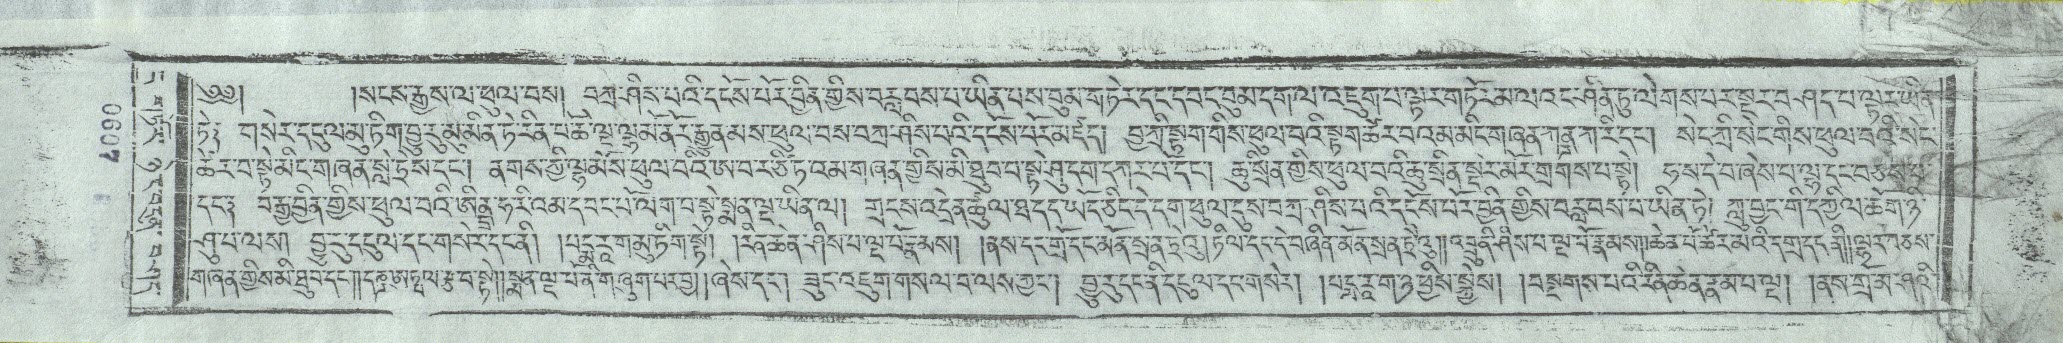༄༅། །སངས་རྒྱས་ལ་ཕུལ་བས། བཀྲ་ཤིས་པའི་དངོས་པོར་བྱིན་གྱིས་བརླབས་པ་ཡིན་པས་བུམ་གཏེར་དང་དབང་བུམ་དག་ལ་འཇུག་པ་ལྟར་གཏོར་མ་ལའང་ཤིན་ཏུ་ལེགས་པར་སྔར་བཤད་པ་ལྟར་ཡིན་
ཏེ༑ གསེར་དངུལ་མུ་ཏིག་བྱུ་རུ་མུ་མིན་ཏེ་རིན་པོ་ཆེ་ལྔ་ལྷ་མོ་ནོར་རྒྱུན་མས་ཕུལ་བས་བཀྲ་ཤིས་པའི་དངོས་པོར་མཛད། བྱ་ཀྲི་སྟག་གིས་ཕུལ་བའི་སྟག་ཚེར་བའམ་མིང་གཞན་ཀནྜ་ཀ་རི་དང་། སེང་ཀྲི་སེང་གིས་ཕུལ་བའི་སེང་
ཚེར་བ་སྟེ་མིང་གཞན་སླེ་ཏྲེས་དང་། ནགས་ཀྱི་ལྷ་མོས་ཕུལ་བའི་ཨ་བ་ར་ཙི་ཏ་འམ་གཞན་གྱིས་མི་ཐུབ་པ་སྟེ་ཤུ་དག་དཀར་པོ་དང་། ཆུ་སྲིན་གྱིས་ཕུལ་བའི་ཆུ་སྲིན་སྔེར་མོར་གྲགས་པ་སྟེ། ཧ་ས་དེ་པ་ཞེས་པ་ལྷ་དང་བཅས་པ་
དང༑ བརྒྱ་བྱིན་གྱིས་ཕུལ་བའི་ཨིནྡྲ་ཧ་རི་འམ་དབང་པོ་ལག་པ་སྟེ་སྨན་ལྔ་ཡིན་ལ། གྲངས་འདྲེན་ཚུལ་ཐ་དང་ཡོད་ཅིང་དེ་དག་ཕུལ་དུས་བཀྲ་ཤིས་པའི་དངོས་པོར་ཕྱིན་གྱིས་བརླབས་པ་ཡིན་ཏེ། ཀླུ་བྱང་གི་དཀྱིལ་ཆོག་ཉི་
ཤུ་པ་ལས། བྱུ་རུ་དངུལ་དང་གསེར་དང་ནི། །པདམ་རཱ་ག་མུ་ཏིག་སྟེ། །རིན་ཆེན་ཤིས་པ་ལྔ་པོ་རྣམས། །ནས་དང་གྲོ་དང་མོན་སྲན་ཏྲེའུ། ཏིལ་དང་དེ་བཞིན་མོན་སྲན་ཏྲེའུ། །འབྲུ་ནི་ཤིས་པ་ལྔ་པོ་རྣམས། །ཆེན་པོ་ཚེར་མའི་དགྲ་དང་ནི། །ལྷར་བཅས་
གཞན་གྱིས་མི་ཐུབ་དང་། །དཎྜ་ཨུཏྤལ་རྩ་བ་སྟེ། །སྨན་ལྔ་པོ་ནི་གཞུག་པར་བྱ། །ཞེས་དང་། ཟུང་འཇུག་གསལ་བ་ལས་ཀྱང་། བྱུ་རུ་དང་ནི་དངུལ་དང་གསེར། །པདམ་རཱ་ག་ཉ་ཕྱིས་སྐྱེས། །བསྔགས་པའི་རིན་ཆེན་རྣམ་པ་ལྔ། །ནས་གྲོ་མ་ཤའི་